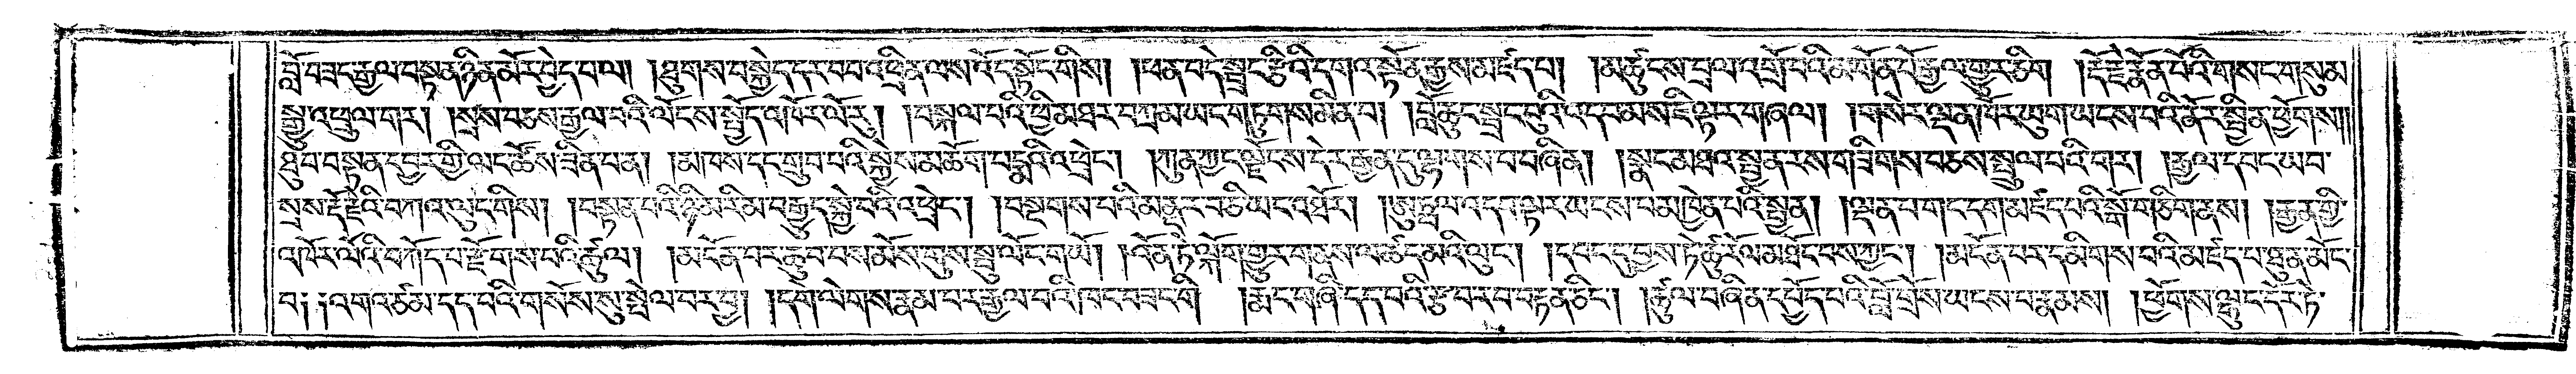བློ་བཟང་རྒྱལ་བསྟན་ཉིན་མོར་བྱེད་པ་ལ། །ཐུགས་བསྐྱེད་དར་བབ་འཕྲིན་ལས་འོད་སྟོང་གིས། །ཕན་བདེ་སྦྲང་རྩེའི་དགའ་སྟོན་རྒྱས་མཛད་པ། །མཚུངས་བྲལ་འགྲོ་བའི་མགོན་པོ་རྒྱལ་གྱུར་ཅིག །རྡོ་རྗེ་རྣོན་པོའི་གསང་གསུམ་
སྒྱུ་འཕྲུལ་གར། །སྲས་བཅས་རྒྱལ་བའི་ལོངས་སྤྱོད་འཁོར་ཡོ་རུ། །བསྐལ་བའི་ཕྱི་མཐར་བཀྲམ་ཡང་གཏུགས་མིན་བ། །བློ་ཆུང་སྒྲང་བུའི་འདབ་མས་ཇི་ལྟར་གཞལ། །གསེར་ལྡན་ཁོར་ཡུག་ཡངས་བའི་ནོར་སྤྱིན་ཕྱོགས།།
ཐུབ་བསྟན་དབྱར་གྱི་ལང་ཚོས་ཟིན་པན། །མཁས་དང་གྲུབ་པའི་སྐྱེས་མཆོག་པདམའི་འཕྲེང་། །ཀུན་ཀྱང་ལྗོངས་དེར་རྒྱན་དུ་ལྷགས་པ་བཞིན། །སྣང་མཐའ་སྤྱན་རས་གཟིགས་བཅས་སྤྲུལ་པའི་གར། །རྒྱལ་དབང་ཡབ་
སྲས་རྡོ་རྗེའི་བཀའ་ལུང་གིས། །བསྟན་པའི་ཉི་མ་རིམ་བརྒྱུད་སྐྱེ་བའི་འཕྲེང་། །སྦངས་བའི་མནྡར་བཅི་ཡང་འཐོར། །ཨུཏྤལ་འདབ་ལྟར་ཡངས་པ་མཁྱེན་པའི་སྤྱན། །ལྡན་པ་གང་དག་མཛད་པའི་སྒོ་གཅིག་ནས། །རྒྱན་གྱི་
འཁོར་ལོའི་བཀོད་པ་རྫོགས་པའི་ཚུལ། །མངོན་པར་ཚུབ་བས་མོས་གུས་སྤུ་ལོང་གཡོ། །འོན་ཏེ་ལྐོག་གྱུར་གནས་ལ་ཚད་མའི་ལུང་། །དབང་དུ་བྱས་ཏེ་ཚུ་རོལ་མཐོང་བས་ཀྱང་། །མངོན་པར་དམིགས་པའི་མཛད་པ་ཐུན་མོང་
བ༑ ༑འགའ་ཙམ་དད་པའི་གསོས་སུ་སྤེལ་བར་བྱ། །དགེ་ལེགས་རྣམ་པར་རྒྱལ་བའི་ཁང་བཟང་གེ །རྨང་གཞི་དད་པའི་རྩ་བ་རབ་བ་བརྟན་ཅིང་། །ཚུལ་བཞིན་དཔྱོད་པའི་བློ་གྲོས་ཡངས་པ་རྣམས། །ཕྱོགས་ལྷུང་དོར་ཏེ་